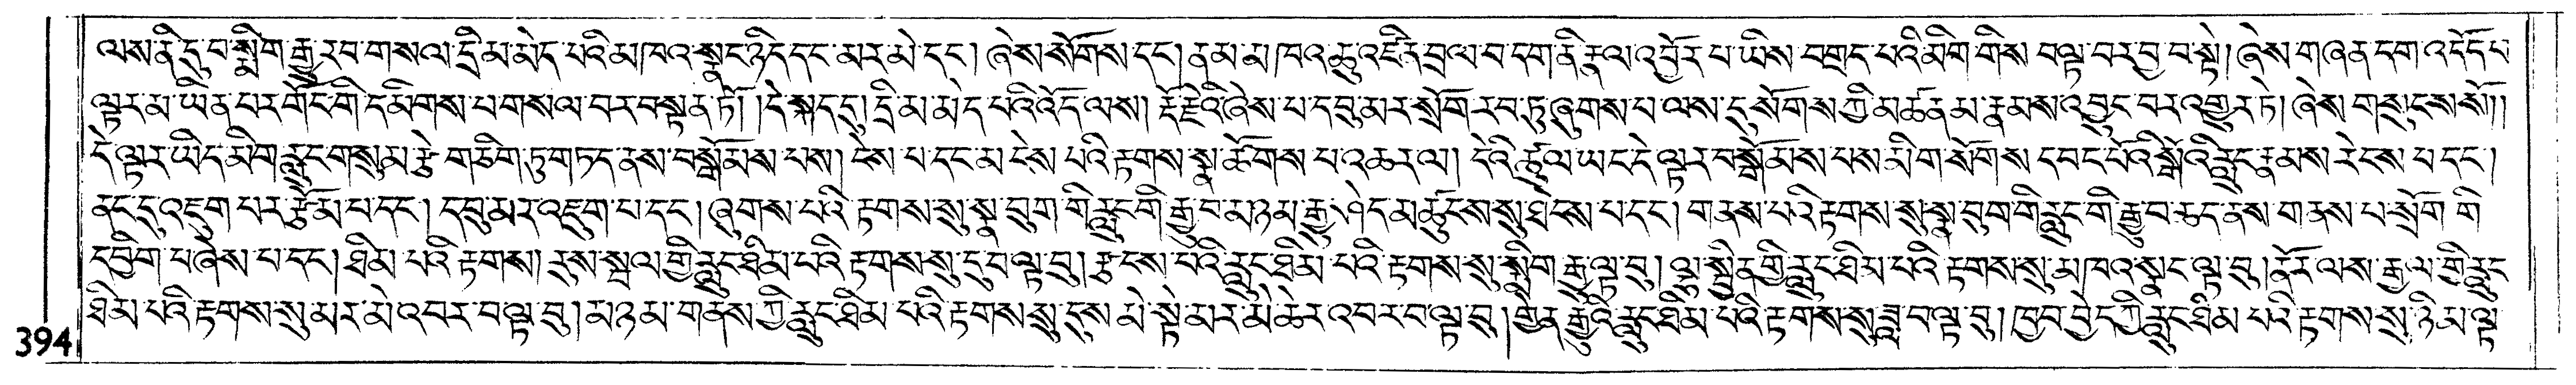ལས་ནི་དུ་བ་སྨིག་རྒྱུ་རབ་གསལ་དྲི་མ་མེད་པའི་མཁའ་སྣང་ཉིད་དང་མར་མེ་དང་། ཞེས་སོགས་དང་། ནམ་མཁའ་ཆུ་འཛིན་བྲལ་བ་དག་ནི་རྣལ་འབྱོར་པ་ཡིས་བགྲད་པའི་མིག་གིས་བལྟ་བར་བྱ་བ་སྟེ། ཞེས་གཞན་དག་འདོད་པ་
ལྟར་མ་ཡིན་པར་གོང་གི་དམིགས་པ་གསལ་བར་བསྟན་ཏོ། །དེ་སྐད་དུ། དྲི་མ་མེད་པའི་འོད་ལས། རྡོ་རྗེའི་ཞེས་པ་དབུ་མར་སྲོག་རབ་ཏུ་ཞུགས་པ་ལས་དུ་སོགས་ཀྱི་མཚན་མ་རྣམས་འབྱུང་བར་འགྱུར་ཏེ། ཞེས་གསུངས་སོ།།
དེ་ལྟར་ཡིད་མིག་རླུང་གསུམ་རྩེ་གཅིག་ཏུ་གཏད་ནས་བསྒོམས་པས། ངེས་པ་དང་མ་ངེས་པའི་རྟགས་སྣ་ཚོགས་པ་འཆར་ལ། དེའི་ཚུལ་ཡང་དེ་ལྟར་བསྒོམས་པས་མིག་སོགས་དབང་པོའི་སྒོའི་རླུང་རྣམས་རེངས་པ་དང་།
ནང་དུ་འཇུག་པར་རྩོམ་པ་དང་། དབུ་མར་འཇུག་པ་དང་། ཞུགས་པའི་རྟགས་སུ་སྣ་བུག་གི་རླུང་གི་རྒྱུ་བ་མཉམ་རྒྱུ་ཤེད་མཚུངས་སུ་ཐེངས་པ་དང་། གནས་པའི་རྟགས་སུ་སྣ་བུག་གི་རླུང་གི་རྒྱུ་བ་ཆད་ནས་གནས་པ་སྲོག་གི་
དབྱིག་པ་ཞེས་པ་དང་། ཐིམ་པའི་རྟགས། རུས་སྦལ་གྱི་རླུང་ཐིམ་པའི་རྟགས་སུ་དུ་བ་ལྟ་བུ། རྩངས་པའི་རླུང་ཐིམ་པའི་རྟགས་སུ་སྨིག་རྒྱུ་ལྟ་བུ། ལྷ་སྦྱིན་གྱི་རླུང་ཐིམ་པའི་རྟགས་སུ་མཁའ་སྣང་ལྟ་བུ། ནོར་ལས་རྒྱལ་གྱི་རླུང་
ཐིམ་པའི་རྟགས་སུ་མར་མེ་འབར་བ་ལྟ་བུ། མཉམ་གནས་ཀྱི་རླུང་ཐིམ་པའི་རྟགས་སུ་དུས་མེ་སྟེ་མར་མེ་ཆེར་འབར་བ་ལྟ་བུ། གྱེན་རྒྱུའི་རླུང་ཐིམ་པའི་རྟགས་སུ་ཟླ་བ་ལྟ་བུ། ཁྱབ་བྱེད་ཀྱི་རླུང་ཐིམ་པའི་རྟགས་སུ་ཉི་མ་ལྟ་